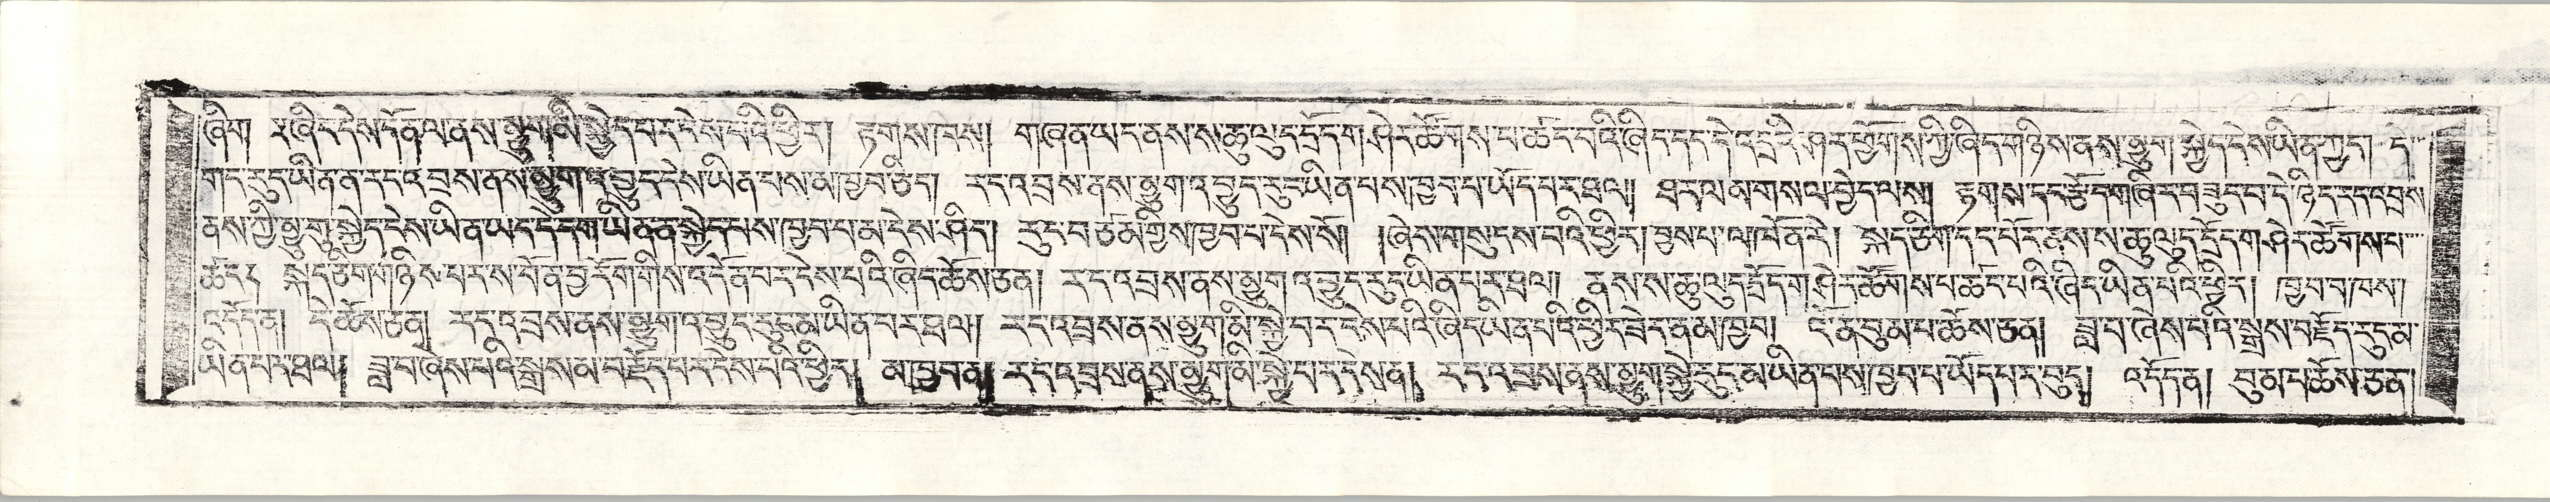ཞིག ༑ཞིང་དེས་དོན་ལ་ནས་མྱུག་མི་སྐྱེད་པར་ངེས་པའི་ཕྱིར། རྟགས་ཁས། གཞན་ཡང་ནས་ས་ཆུ་ལུད་དྲོད་གཤེར་ཚོགས་པ་ཚང་བའི་ཞིང་དང་དེ་འདྲའི་ཤར་ཕྱོགས་ཀྱི་ཞིང་གཉིས་ནས་མྱུག་སྐྱེད་ངེས་ཡིན་ཀྱང་། དེ་
གང་རུང་ཡིན་ན་རང་འབྲས་ནས་མྱུག་འབྱུང་ངེས་ཡིན་པས་མ་ཁྱབ་ཅིང་། རང་འབྲས་ནས་མྱུག་འབྱུང་རུང་ཡིན་པས་ཁྱབ་པ་ཡོད་པར་ཐལ། ཐར་ལམ་གསལ་བྱེད་ལས། རྟགས་དང་རྩོད་གཞིར་བཟུང་བ་དེ་ཉིད་རང་འབྲས་
ནས་ཀྱི་མྱུ་གུ་སྐྱེད་ངེས་ཡིན་ཡང་དེ་དག་ཡིན་ན་བསྐྱེད་པས་ཁྱབ་པ་མ་ངེས་ཤིང་། རུང་བ་ཙམ་གྱིས་ཁྱབ་པ་ངེས་སོ། །ཞེས་གསུངས་པའི་ཕྱིར། བྱས་པ་ལ་ཁོ་ན་རེ། སྐད་ཅིག་དང་པོར་ནས་ས་ཆུ་ལུད་དྲོད་གཤེར་ཚོགས་པ་
ཚང་། སྐད་ཅིག་གཉིས་པར་ས་བོན་བྱ་རོག་གིས་འདོན་པར་ངེས་པའི་ཞིང་ཆོས་ཅན། རང་འབྲས་ནས་མྱུག་འབྱུང་རུང་ཡིན་པར་ཐལ། ནས་ས་ཆུ་ལུད་དྲོད་གཤེར་ཚོགས་པ་ཚང་བའི་ཞིང་ཡིན་པའི་ཕྱིར། ཁྱབ་པ་ཁས།
འདོད་ན། དེ་ཆོས་ཅན། རང་འབྲས་ནས་མྱུག་འབྱུང་རུང་མ་ཡིན་པར་ཐལ། རང་འབྲས་ནས་མྱུག་མི་སྐྱེ་བར་ངེས་པའི་ཞིང་ཡིན་པའི་ཕྱིར་ཟེར་ན་མ་ཁྱབ། འོ་ན་བུམ་པ་ཆོས་ཅན། ཟླ་བ་ཞེས་པའི་སྒྲས་བརྗོད་རུང་མ་
ཡིན་པར་ཐལ། ཟླ་བ་ཞེས་པའི་སྒྲས་མ་བརྗོད་པར་ངེས་པའི་ཕྱིར། མ་ཁྱབ་ན། རང་འབྲས་ནས་མྱུག་མི་སྐྱེ་བར་ངེས་ན། རང་འབྲས་ནས་མྱུག་སྐྱེ་རུང་མ་ཡིན་པས་ཁྱབ་པ་ཡོད་པར་འབུད། འདོད་ན། བུམ་པ་ཆོས་ཅན་